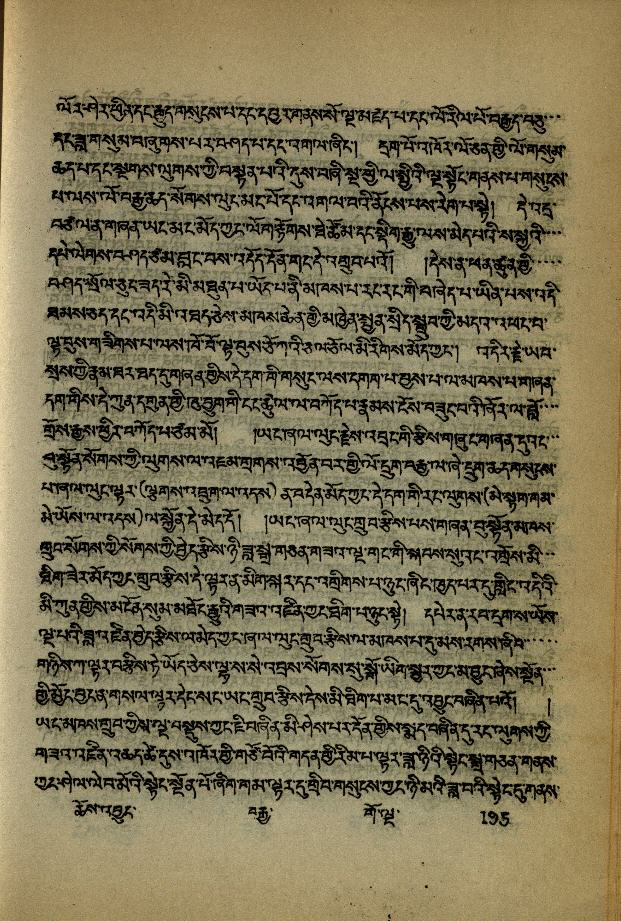ལོར་ཤེར་ཕྱིན་དང་རྒྱུད་གསུངས་པ་དང་དབྱར་གནས་སོ་ལྔ་མཛད་པ་དང་ལོ་རིལ་པོ་བརྒྱད་བཅུ་
དང་ཟླ་གསུམ་བཞུགས་པར་བཤད་པ་དང་འགལ་ཞིང་། དྲག་པོ་འཁོར་ལོ་ཅན་གྱི་ལོ་གསུམ་
ཆད་པ་དང་སྔགས་ལུགས་ཀྱི་བསྟན་པའི་དུས་བཞི་སྔ་ཕྱི་ལ་སྤྱིའི་ལྔ་སྟོང་གནས་པ་གསུངས་
པ་ལས་ལོ་བརྒྱ་ཆད་སོགས་ལུང་མང་པོ་དང་འགལ་བའི་ནོངས་པས་རེག་པ་སྟེ། དེ་འདྲ་
བཙལ་ན་གཞན་ཡང་མང་མོད་ཀྱང་ལོག་རྟོགས་ཐེ་ཚོམ་དང་སྡིག་རྒྱུ་ལས་མེད་པའི་ས་སྐྱའི་
དཔེ་ལེགས་བཤད་ཙམ་བླང་བས་འདོད་དོན་གང་དེ་འགྲུབ་པའོ། །དེས་ན་ཕན་ཚུན་གྱི་
བཤད་སྲོལ་ཅུང་ཟད་རེ་མི་མཐུན་པ་ཡོད་པ་ནི་མཁས་པ་རང་རང་གི་བཞེད་པ་ཡིན་པས་འདི་
ཐམས་ཅད་དང་འདི་མི་འཐད་ཅེས་མཁས་ཆེན་གྱི་མཁྱེན་སྤྱན་སྲིད་སྒྲུབ་ཀྱི་མདའ་འཕང་བ་
ལྟ་བུས་གཟིགས་པ་ལས་ཁོ་བོ་ལྟ་བུས་ཅོ་ཀའི་ཅལ་ཅོལ་མི་རིགས་མོད་ཀྱང་། འདིར་རྗེ་ཡབ་
སྲས་ཀྱི་རྣམ་ཐར་ཐད་དུ་གཞན་གྱིས་དེ་དག་གི་གསུང་ལས་དགག་པ་བྱས་པ་ལ་མཁས་པ་གཞན་
དག་གིས་དེ་ཀུན་དགུན་གྱི་ཁུ་བྱུག་གི་ངང་ཚུལ་ལ་བཀོད་པ་རྣམས་ངོས་བཟུང་བའི་ཞོར་ལ་བློ་
གྲོས་རྒྱས་ཕྱིར་བཀོད་པ་ཙམ་མོ། །ཡང་ཞལ་ལུང་རྗེས་འབྲང་གི་རྩིས་གཞུང་གཞན་དུའང་
བུ་སྟོན་སོགས་ཀྱི་ལུགས་ལ་འཇམ་གྲགས་འབྱོན་བར་གྱི་ལོ་དྲུག་བརྒྱ་ལ་ཞེ་དྲུག་ཆད་གསུངས་
པ་ཞལ་ལུང་ལྟར་ལྕགས་འབྲུག་ལ་འདས་ན་བདེན་མོད་ཀྱང་དེ་དག་གི་རང་ལུགས་མེ་སྟག་གམ་
མེ་ཡོས་ལ་འདས་ལ་སྐྱོན་དེ་མེད་དོ། །ཡང་ཞལ་ལུང་གྲུབ་རྩིས་པས་གཞན་བུ་སྟོན་མཁས་
གྲུབ་སོགས་ཀྱི་སོགས་ཀྱི་བྱེད་རྩིས་ཉི་ཟླ་སྒྲ་གཅན་གཟའ་ལྔ་གང་གི་སྐབས་སུའང་འགྲོས་མི་
ཐིག་ཟེར་མོད་ཀྱང་གྲུབ་རྩིས་དེ་ལྟར་ན་མིག་སྐར་དང་འགྲིགས་པ་ཉུང་ཞིང་ཁྱད་པར་དུ་གླིང་འདིའི་
མི་ཀུན་གྱིས་མངོན་སུམ་མཐོང་རྒྱུའི་གཟའ་འཛིན་ཀྱང་ཐིག་པ་ཉུང་སྟེ། དཔེར་ན་རབ་དྲག་ས་ཡོས་
ལྔ་པའི་ཟླ་འཛིན་བྱེད་རྩིས་ལ་མེད་ཀྱང་ཞལ་ལུང་གྲུབ་རྩིས་ལ་མཁས་པ་དུ་མས་རགས་ཞིབ་
གཉིས་ཀ་ལྟར་བརྩིས་ཏེ་ཡོད་ཅེས་ལྷ་ས་སེ་འབྲས་སོགས་སུ་སྒོ་ཡིག་སྦྱར་ཀྱང་མ་བྱུང་ཞེས་སྔོན་
གྱི་མྱོང་བྱང་ན་གསལ་ལྟར་དེང་སང་ཡང་གྲུབ་རྩིས་དེས་མི་ཐིག་པ་མང་དུ་འབྱུང་བཞིན་པའོ། །
ཡང་མཁས་གྲུབ་ཀྱིས་ལྔ་བསྡུས་ཀྱང་ཇི་བཞིན་མི་ཤེས་པར་དོན་གྱིས་སྨད་བཞིན་དུ་རང་ལུགས་ཀྱི་
གཟའ་འཛིན་འཆད་ཚེ་དུས་འཁོར་གྱི་གཙོ་བོའི་གདན་གྱི་རིམ་པ་ལྟར་ཟླ་ཉིའི་སྟེང་སྒྲ་གཅན་གནས་
ཀྱང་ཤེལ་ལེབ་མོའི་སྟེང་སྔོན་པོ་ཞིག་གམ་ལྟར་དུ་གྲིབ་གསུངས་ཀྱང་ཉི་མའི་ཟླ་བའི་སྟེང་དུ་གནས་